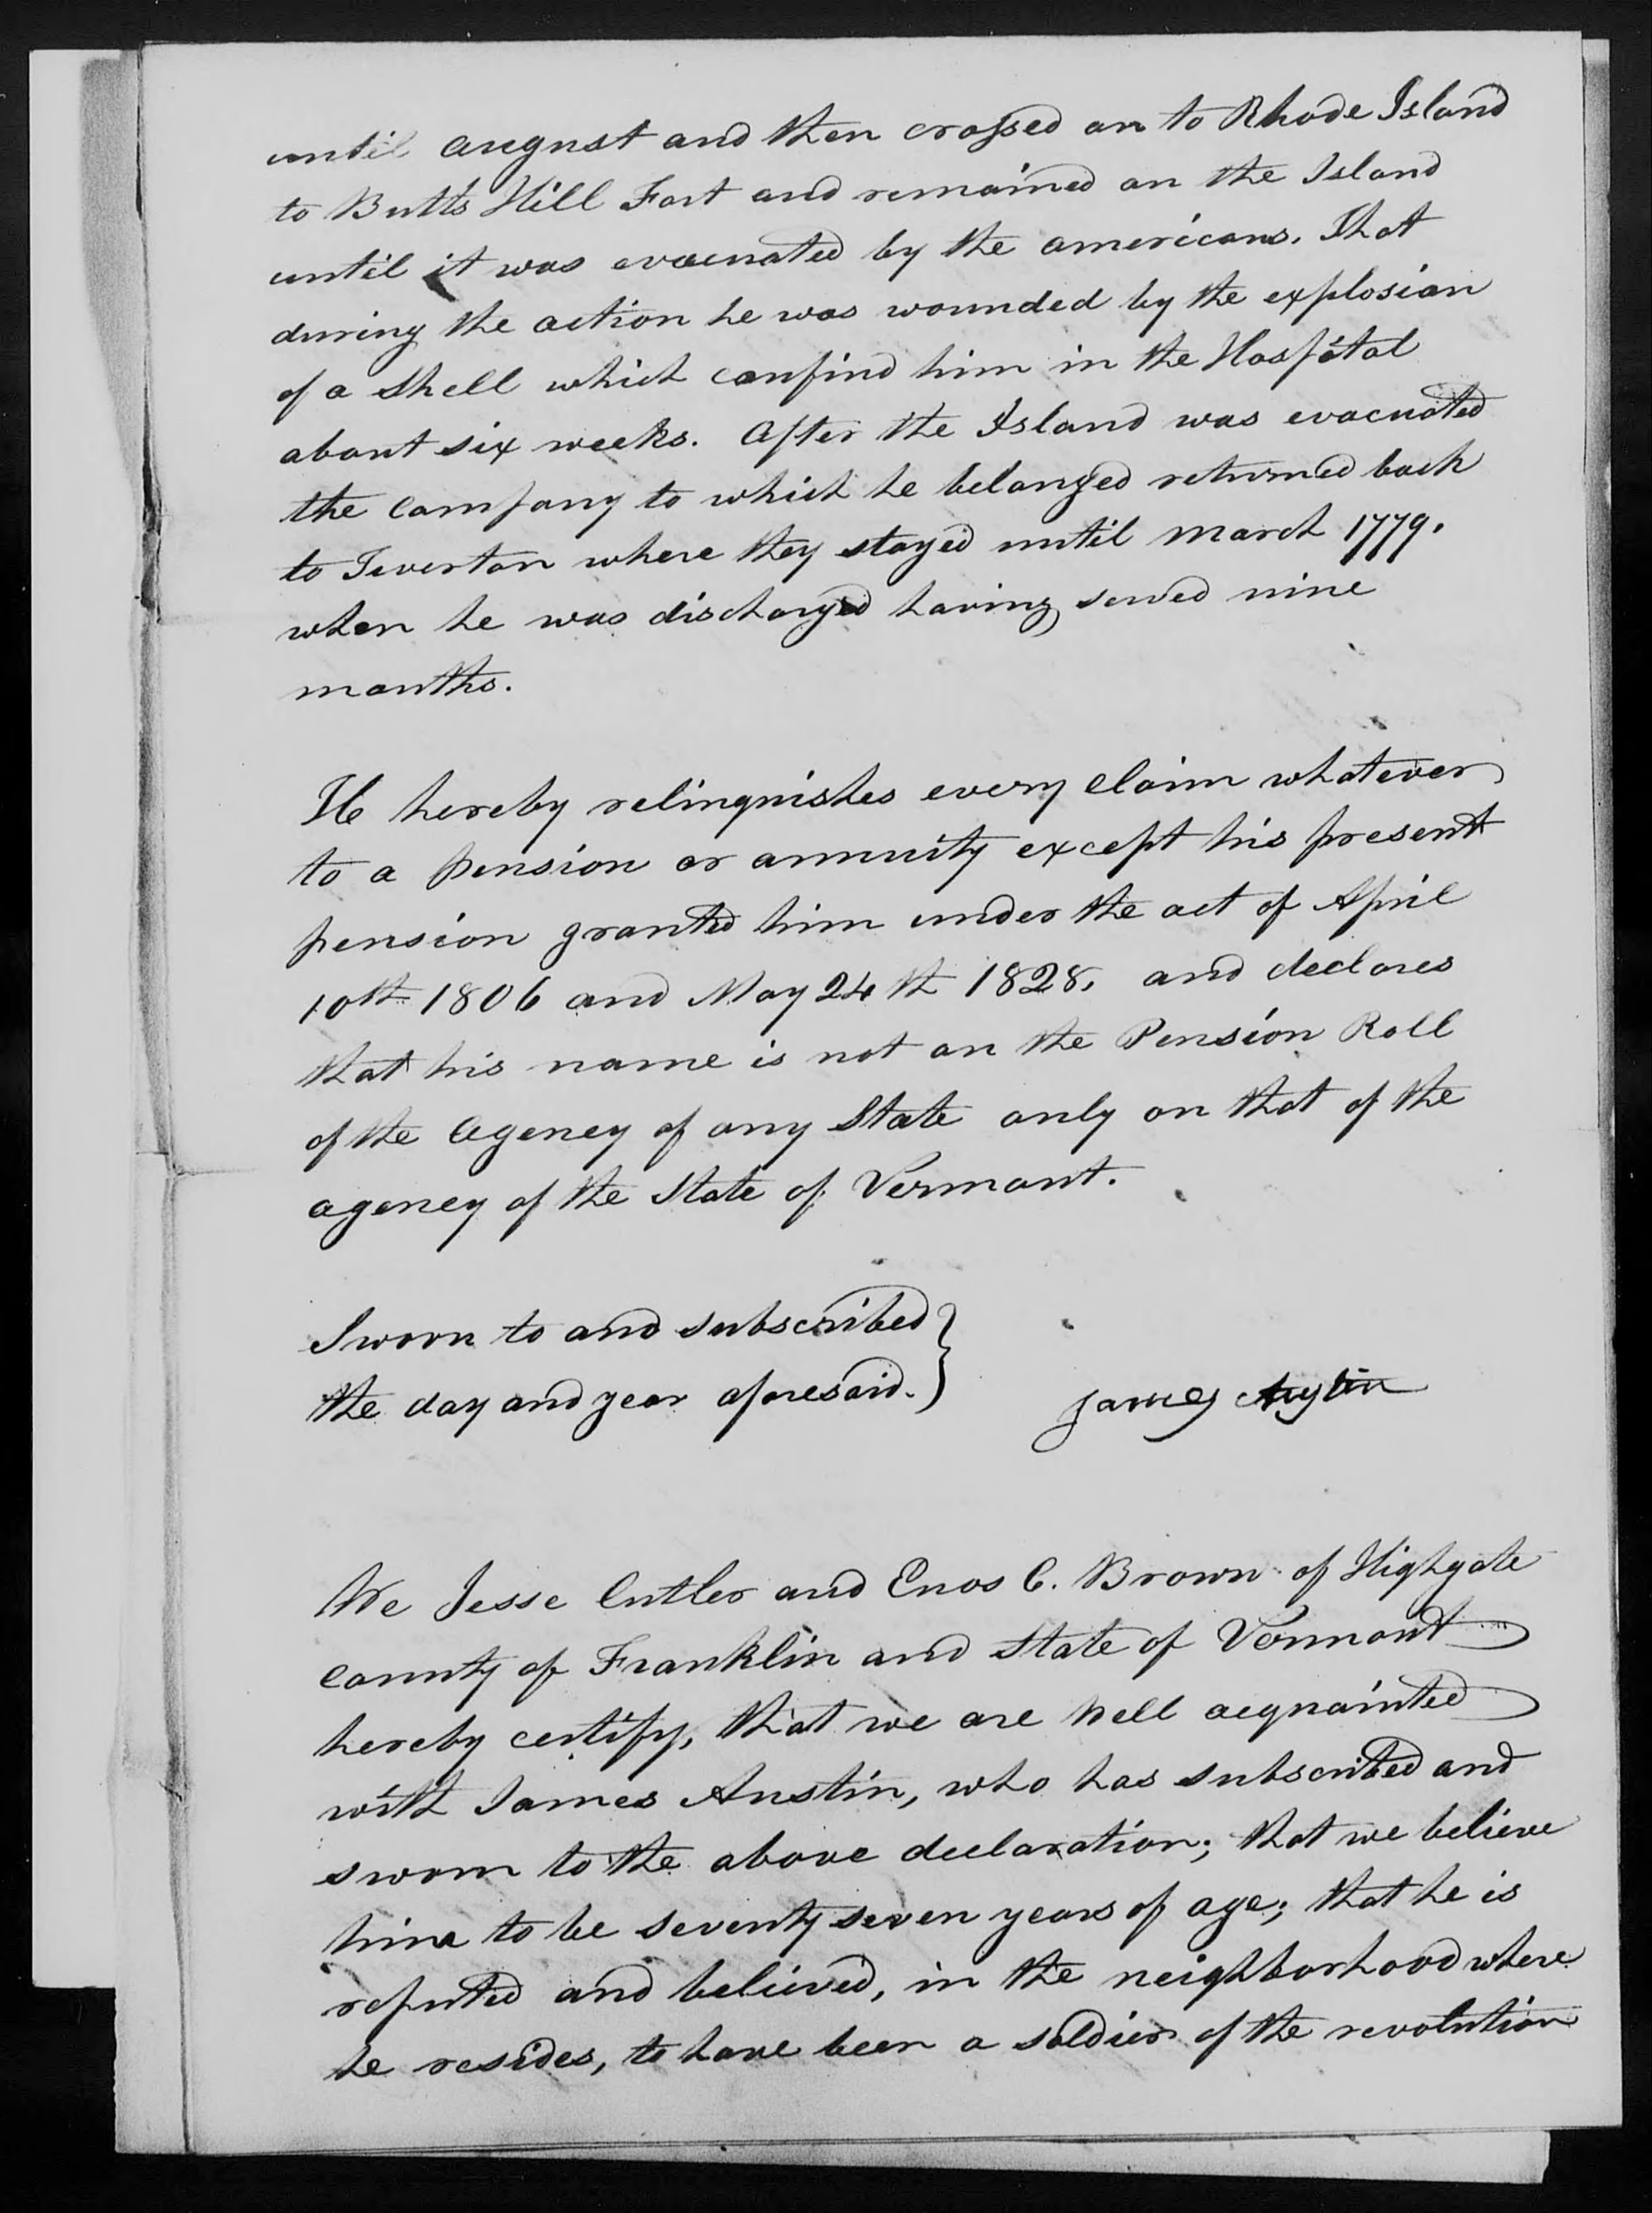until August and then crossed on to Rhode Island to Butts Hill Fort and remained on the Island until it was evacuated by the americans. That during the action he was wounded by the explosion of a shell which confined him in the hospital about six weeks. After the Island was evacuated the company to which he belonged returned back to Leverton where they stayed until March 1779, when he was discharged having served nine months.
He hereby relinquishes every claim whatever to a pension or annuity except his present pension granted him under the act of April 10th 1806 and May 24th 1828, and declared that his name is not on the Pension Roll of the agency of and State only on that of the agency of the State of Vermont.
Sworn to and subscribed     }
the day and year aforesaid.  }
James Austin

We Jesse Cutler and Enos C. Brown of Highgate County of Franklin and State of Vermont hereby certify that we are well acquainted with James Austin, who has subscribed and sworn to the above declaration; that we believe him to be seventy seven years of age; that he is reported and believed, in the neighborhood where he resides, to have been a soldier of the revolution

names: Jesse Cutler, James Austin, James Austin, Enos C Brown, Butts Hill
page: 24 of 100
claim: survivor's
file: S 19186, James Austin, Conn. New York R.I.